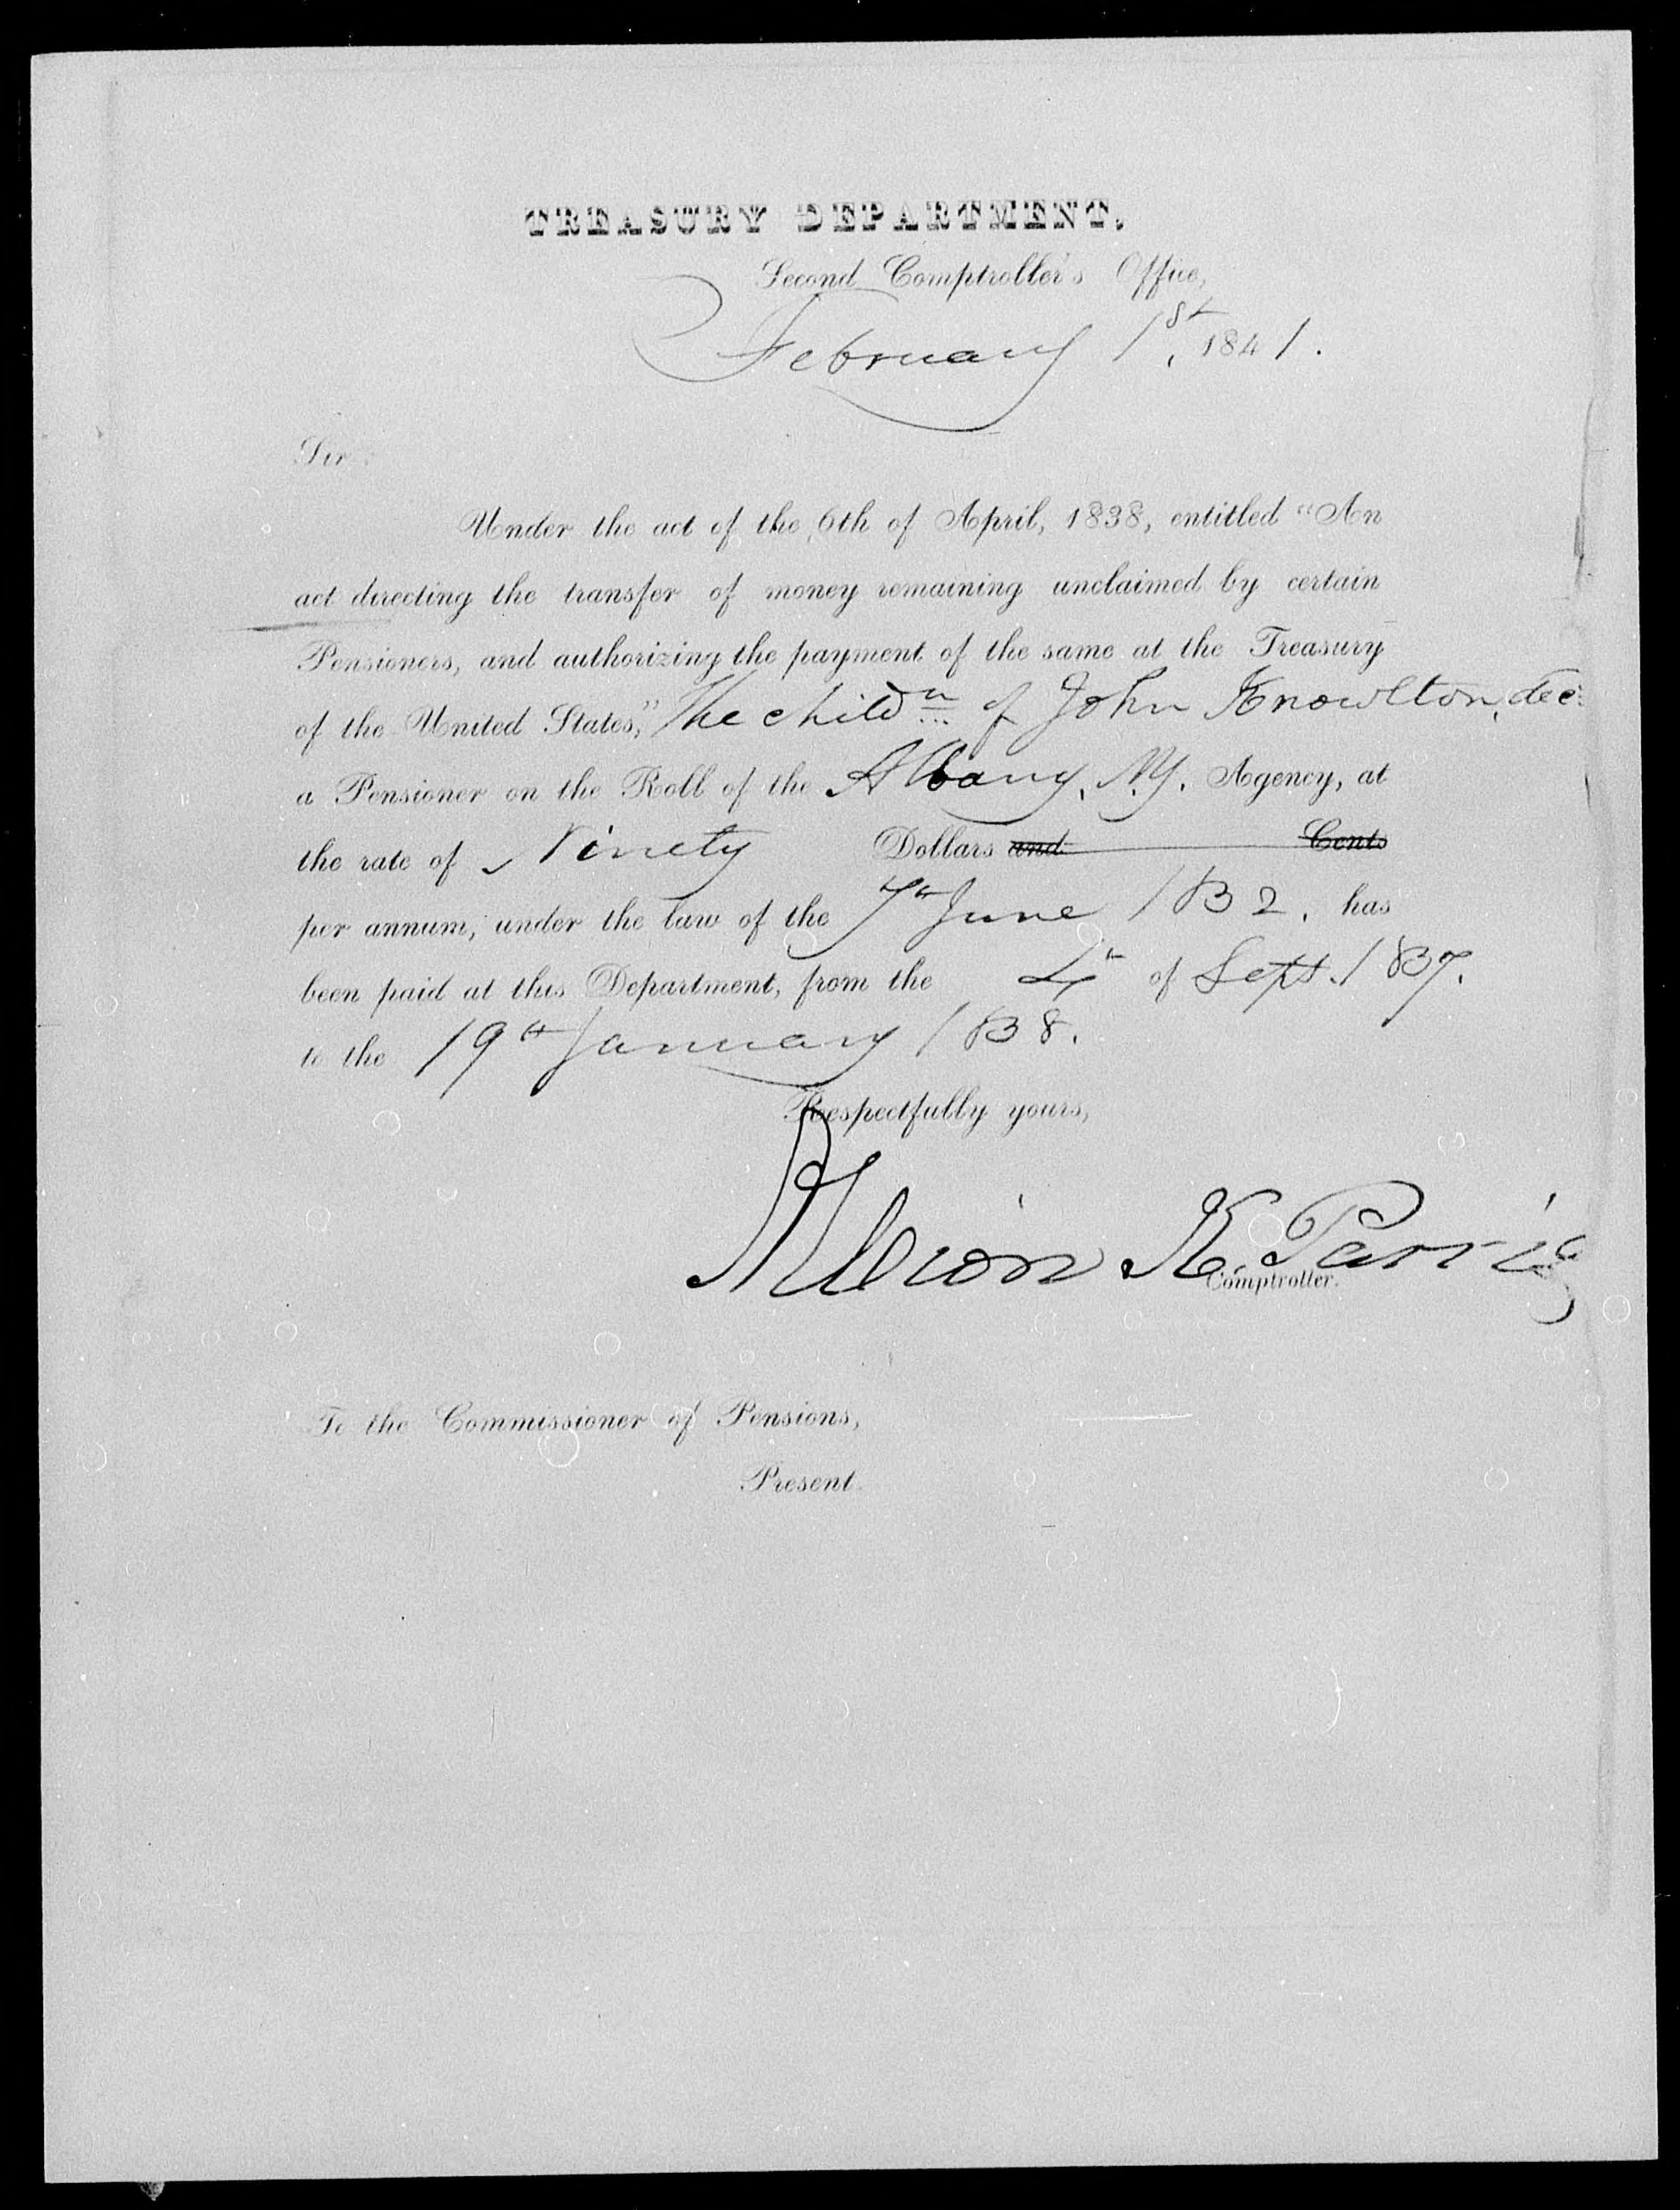TREASURY DEPARTMENT
Second Comptroller's Office
February 1st, 1841
Sir
Under the act of the 6th of April, 1838, entitled "An act directing the transfer of money remaining unclaimed by certain Pensioners, and authorizing the payment of the same at the Treasury of the United States," the childn. of John Knowlton, decd a
Pensioner on the Roll of the Albany N.Y. Agency, at the rate of Ninety
Dollars per annum, under the law of the 7th June 1832, has been paid at this Department, from the 4th of Sept. 1837  to the 19th  January 1838
Respectfully yours,
Albion K Parris
Comptroller 
To the Commissioner of Pensions,
Present.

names: Albion K Parris; John Knowlton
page: 6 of 25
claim: survivor's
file: S. 13668, for John Knowlton, New York